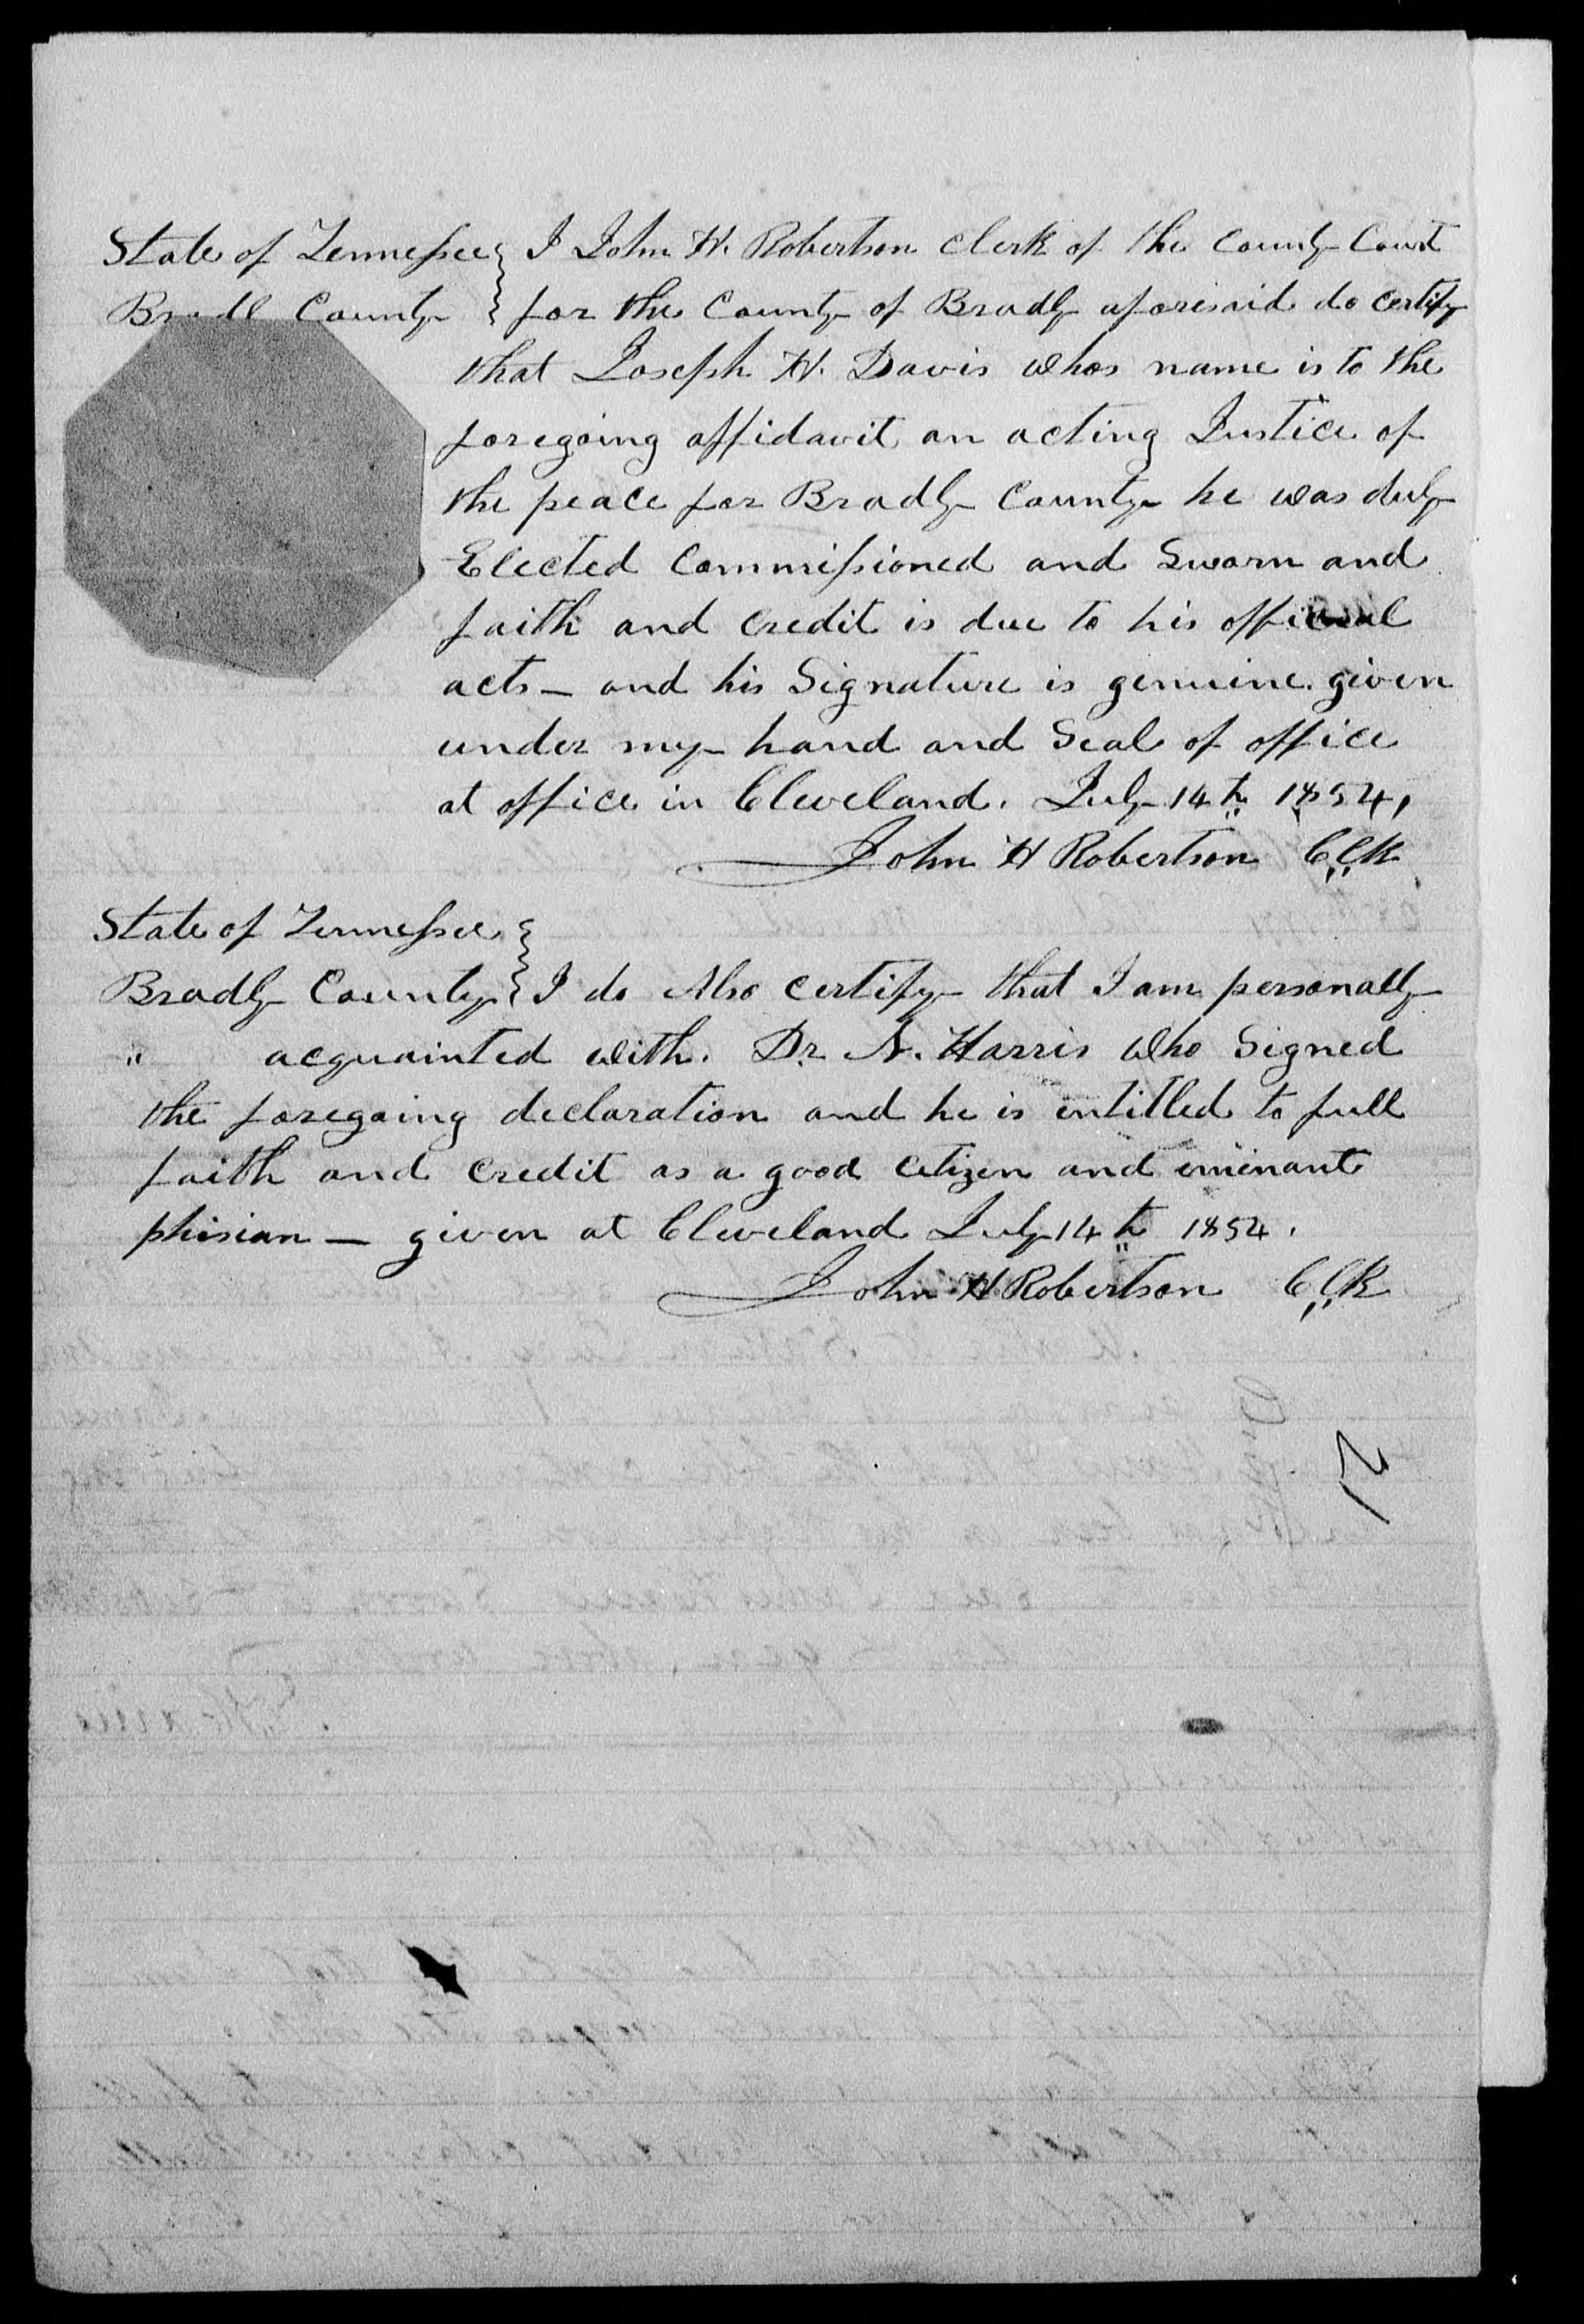State of Tennessee}
Bradly County     }

I John H Robertson clerk of the County Court for the County of Bradly aforesaid do certify that Joseph H. Davis whos [sic] name is to the foregoing affidavit an acting Justice of the peace for Bradly County he was duly Elected Commissioned and Sworn and faith and credit is due to this official acts--and his Signature is genuine. given under my hand and Seal of office at office in Cleveland.  July 14th 1854, 
John H Robertson, Clk

State of Tennessee}
Bradly County    }

I do Also certify that I am personally acquainted with Dr. N. Harris also signed the foregoing declaration and he is entitled to full faith and credit as a good citizen and eminant [sic] phisian [sic]--given at Cleveland July 14th 1854
John H. Robertson Clk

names: John H Robertson, John H Robertson, N Harris, Joseph H Davis, John H Robertson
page: 112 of 160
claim: rejected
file: R. 4666, James Harris, Va.